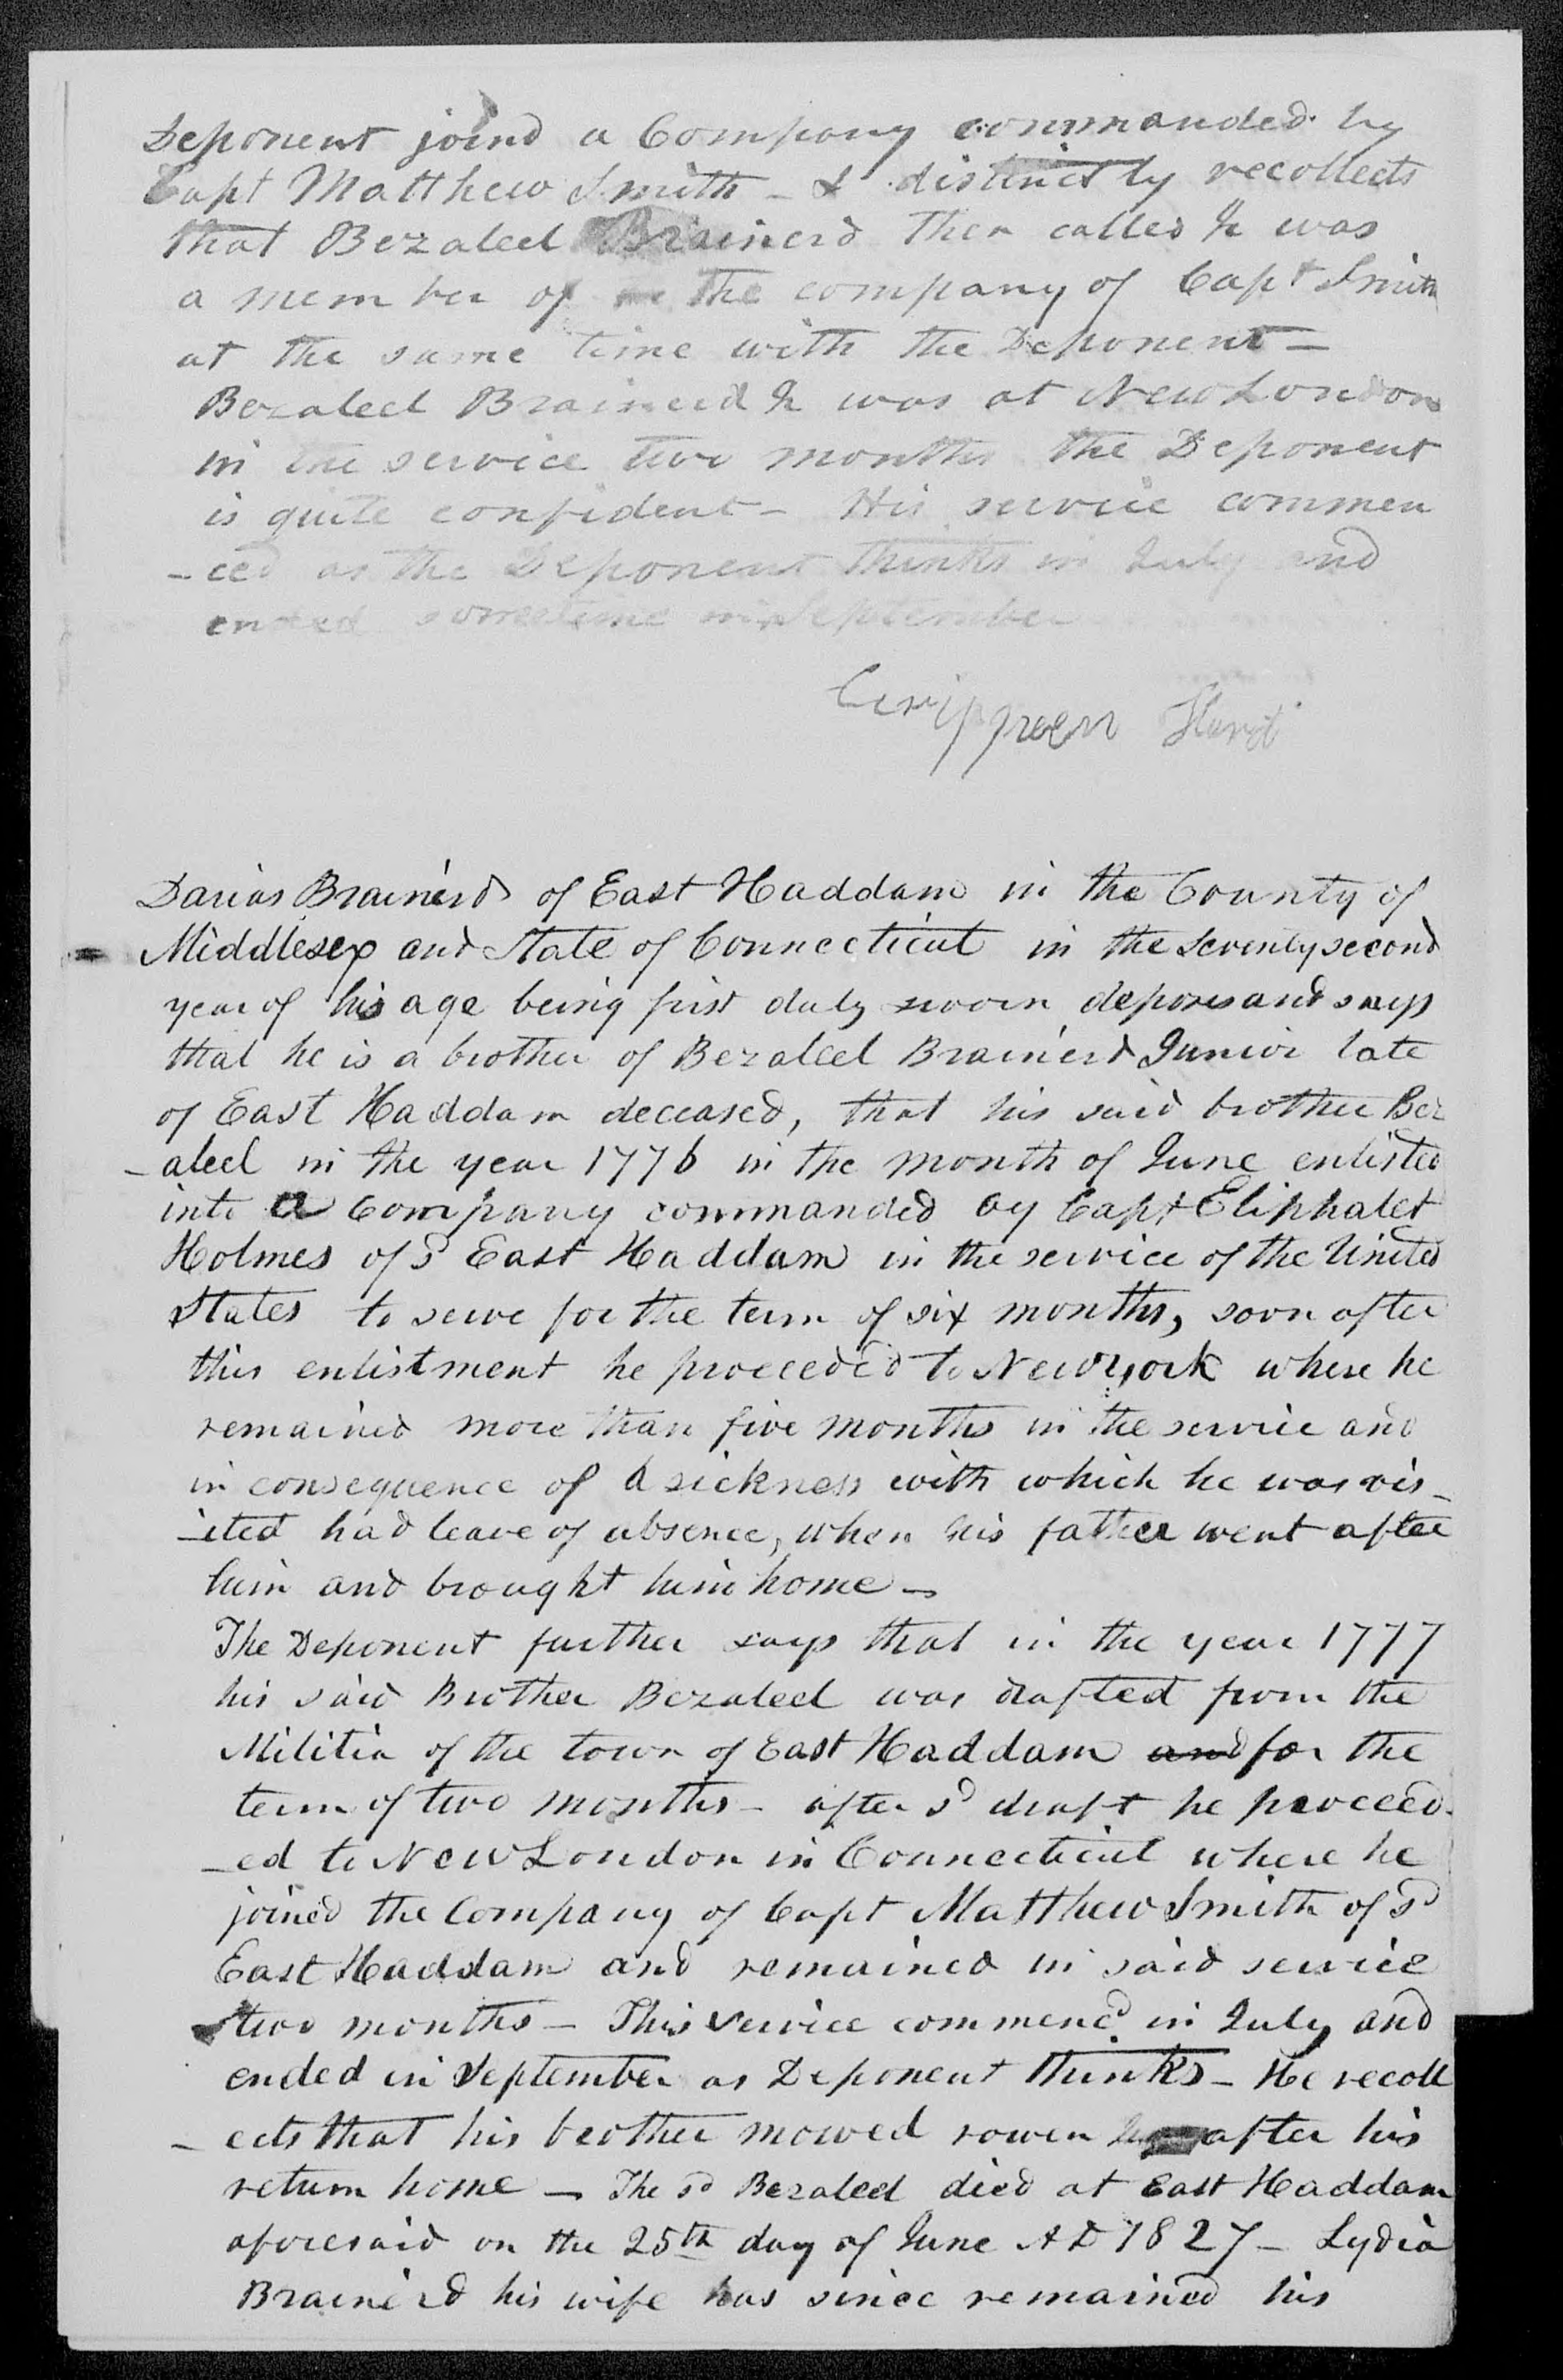Deponent join a company commanded by Capt Matthew Smith & distinctly recollects that Bezaleel Brainerd then called Jr was a member of the company of Capt Smith at the same time with the Deponent- Bezaleel Brainerd Jr was at New London in the service two months the Deponent is quite confident- His service commenced as the deponent thinks in July and ended sometime in September
[signature] Crippen Hurd

Darias Brainerd of East Haddam in the County of Middlesex and State of Connecticut in the seventy second year of his age being first duly sworn deposes and says that he is a brother of Bezaleel Brainerd Junior late of East Haddam deceased, that his said brother Bezaleel in the year 1776 in the month of June enlisted into a company commanded by Capt Eliphalet Holmes of East Haddam in the service of the United States to serve for the term of six months, soon after this enlistment he proceeded to New York where he remained more than five months in the service and in consequence of a sickness with which he was visited had leave of absence, when his father went after him and brought him home-
The Deponent further says that in the year 1777 his said Brother Bezaleel was drafted from the Militia of the town of East Haddam [lined out "and"] for the term of two months - after s'd draft he proceeded to New London in Connecticut where he joined the company of Capt Matthew Smith of s'd East Haddam and remained in said service two months - This service commenced in July and ended in September as deponent thinks - He recollects that his brother [mowed sowen]? after his return home. The s'd Bezaleel died at East Haddam aforesaid on the 25th day of June AD 1827- Lydia Brainerd his wife has since remained his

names: Matthew Smith, Bezaleel, Bezaleel Brainerd, Smith, Crippeen Hurd, Lydia Brainerd, Bezaleel Brainerd, Matthew Smith, Darias Brainerd, Bezaleel, Bezaleel Brainerd, Eliphalet Holmes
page: 22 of 25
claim: widow's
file: W. 23,671, Bezaleel Brainard, Conn.